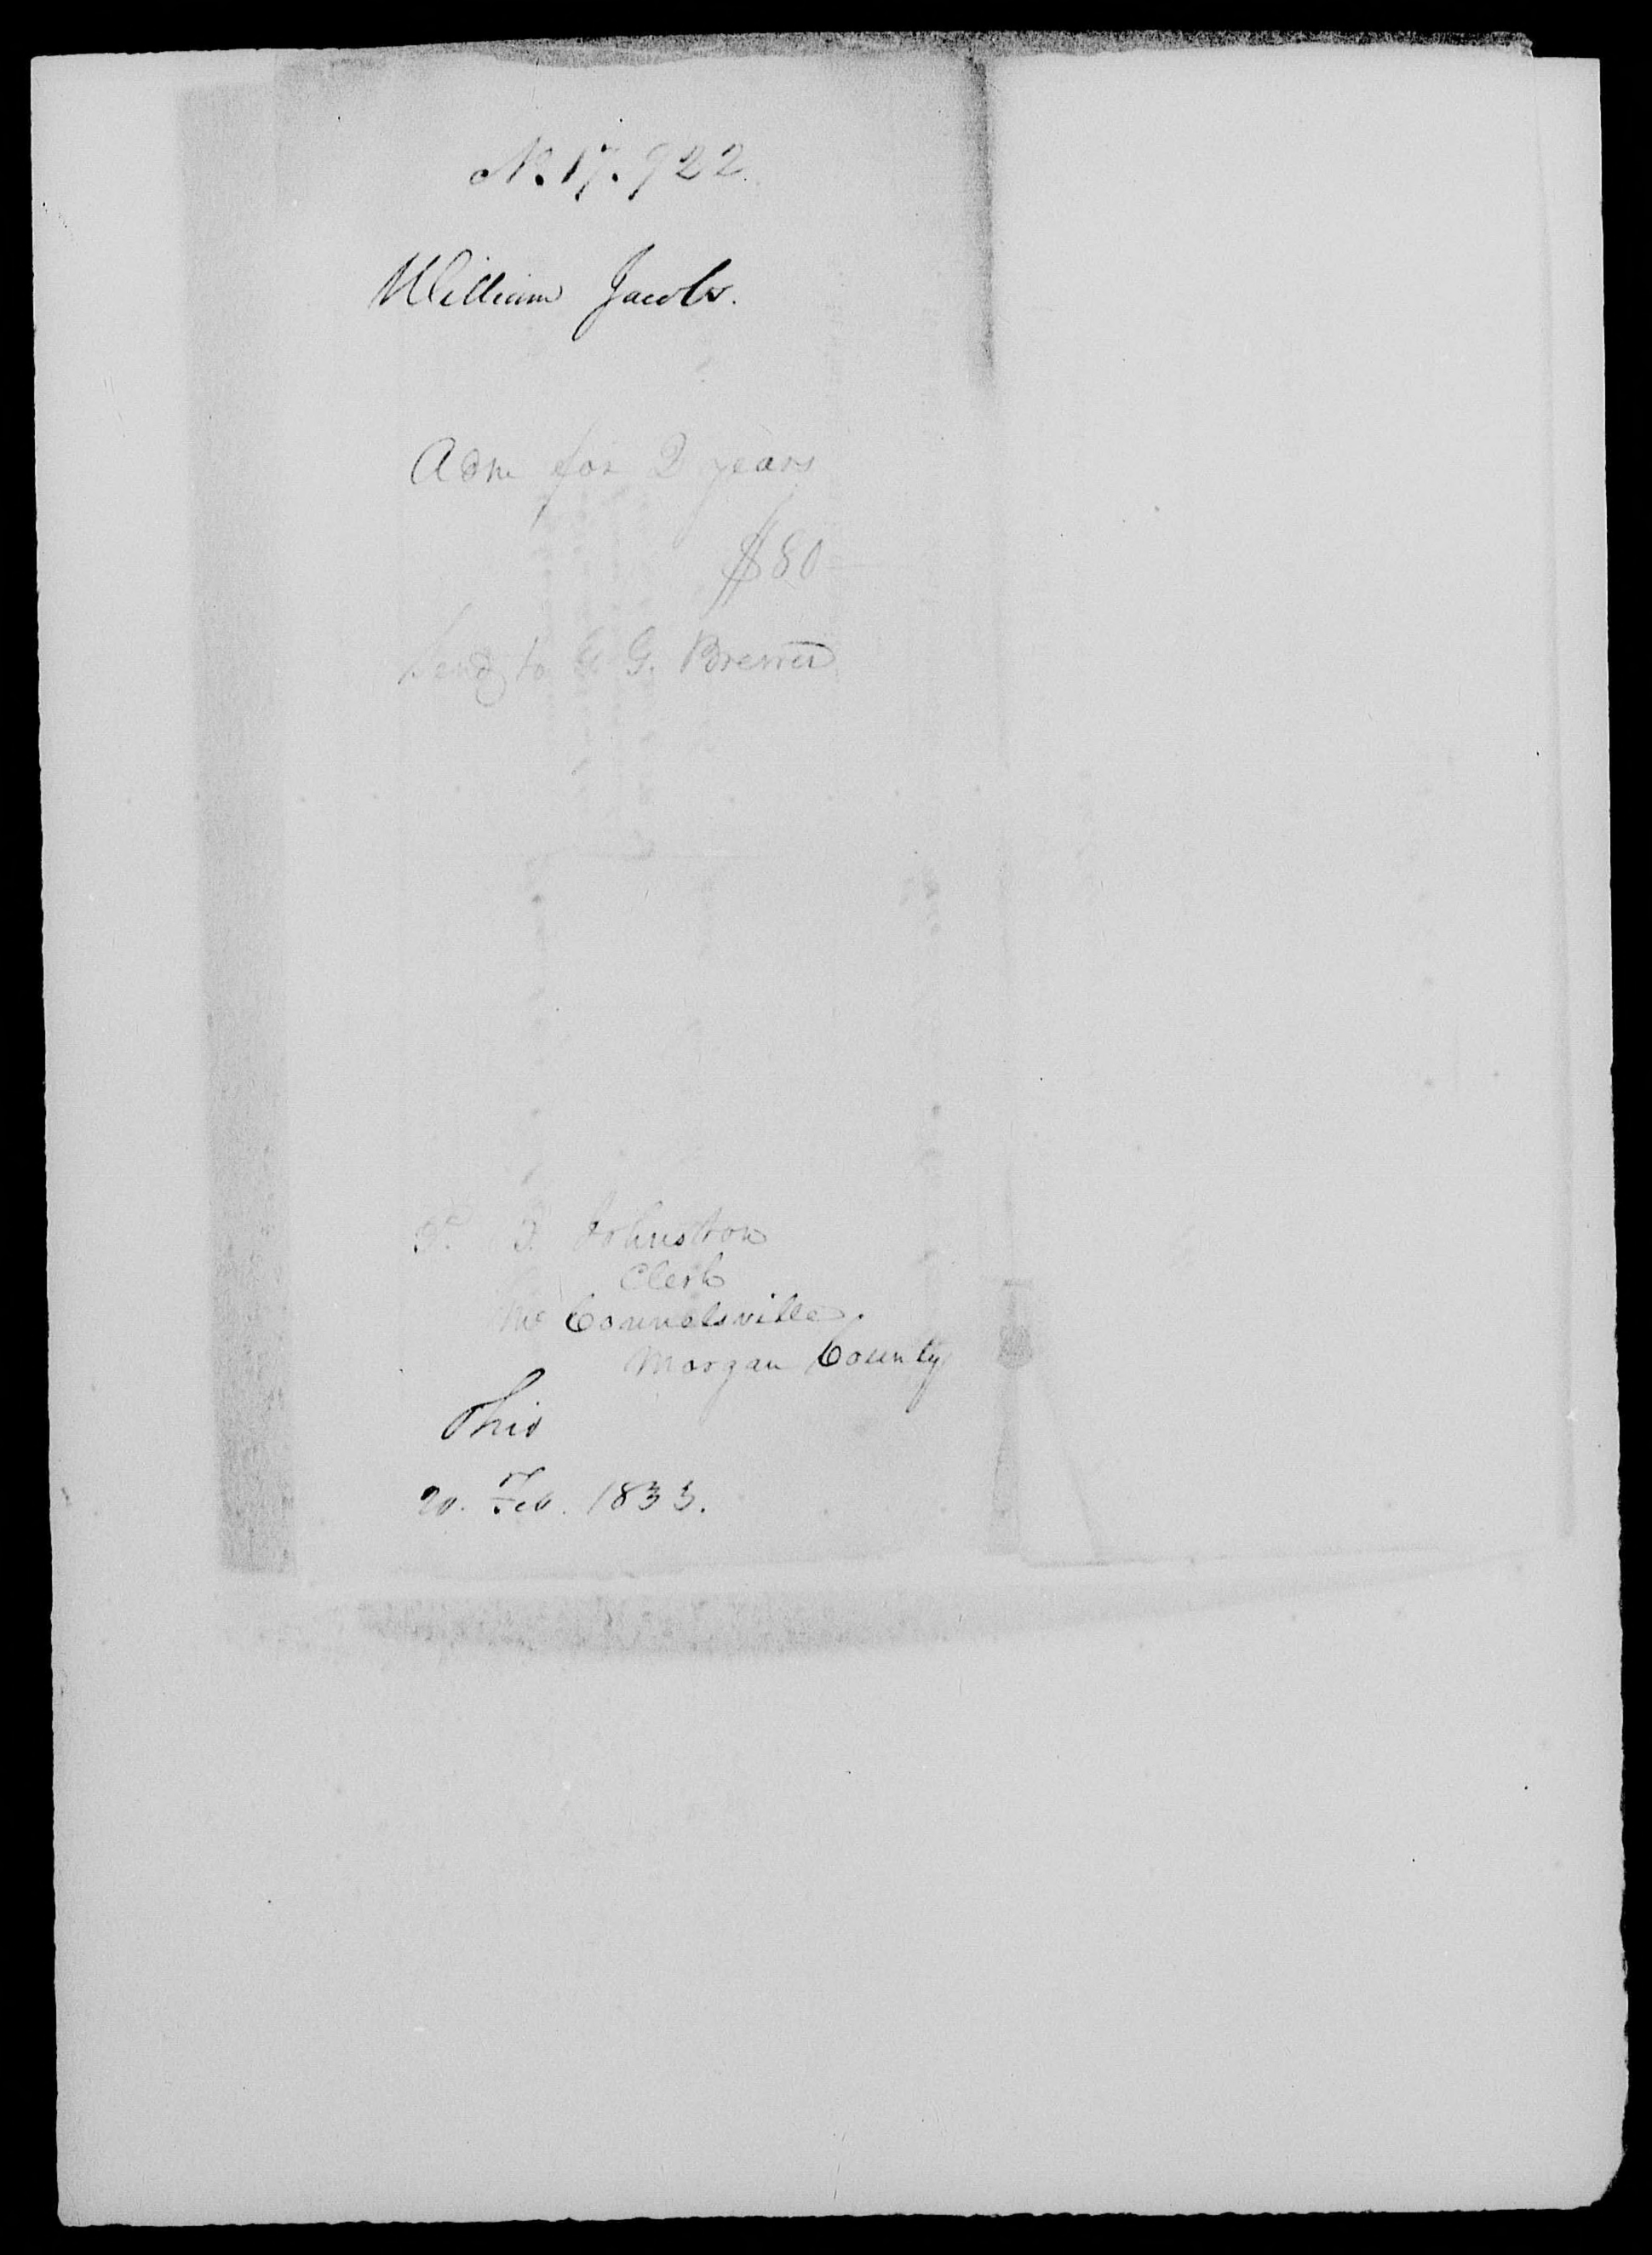No 17922

William Jacobs
Admt for 2 years
$80

Send to G. G. Brewer

P.B. Johnston
Clerk
McConnelsville
Morgan County
Ohio
20 Feb 1835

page: 3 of 23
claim: survivor's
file: S. 2289, for William Jacobs, Maryland